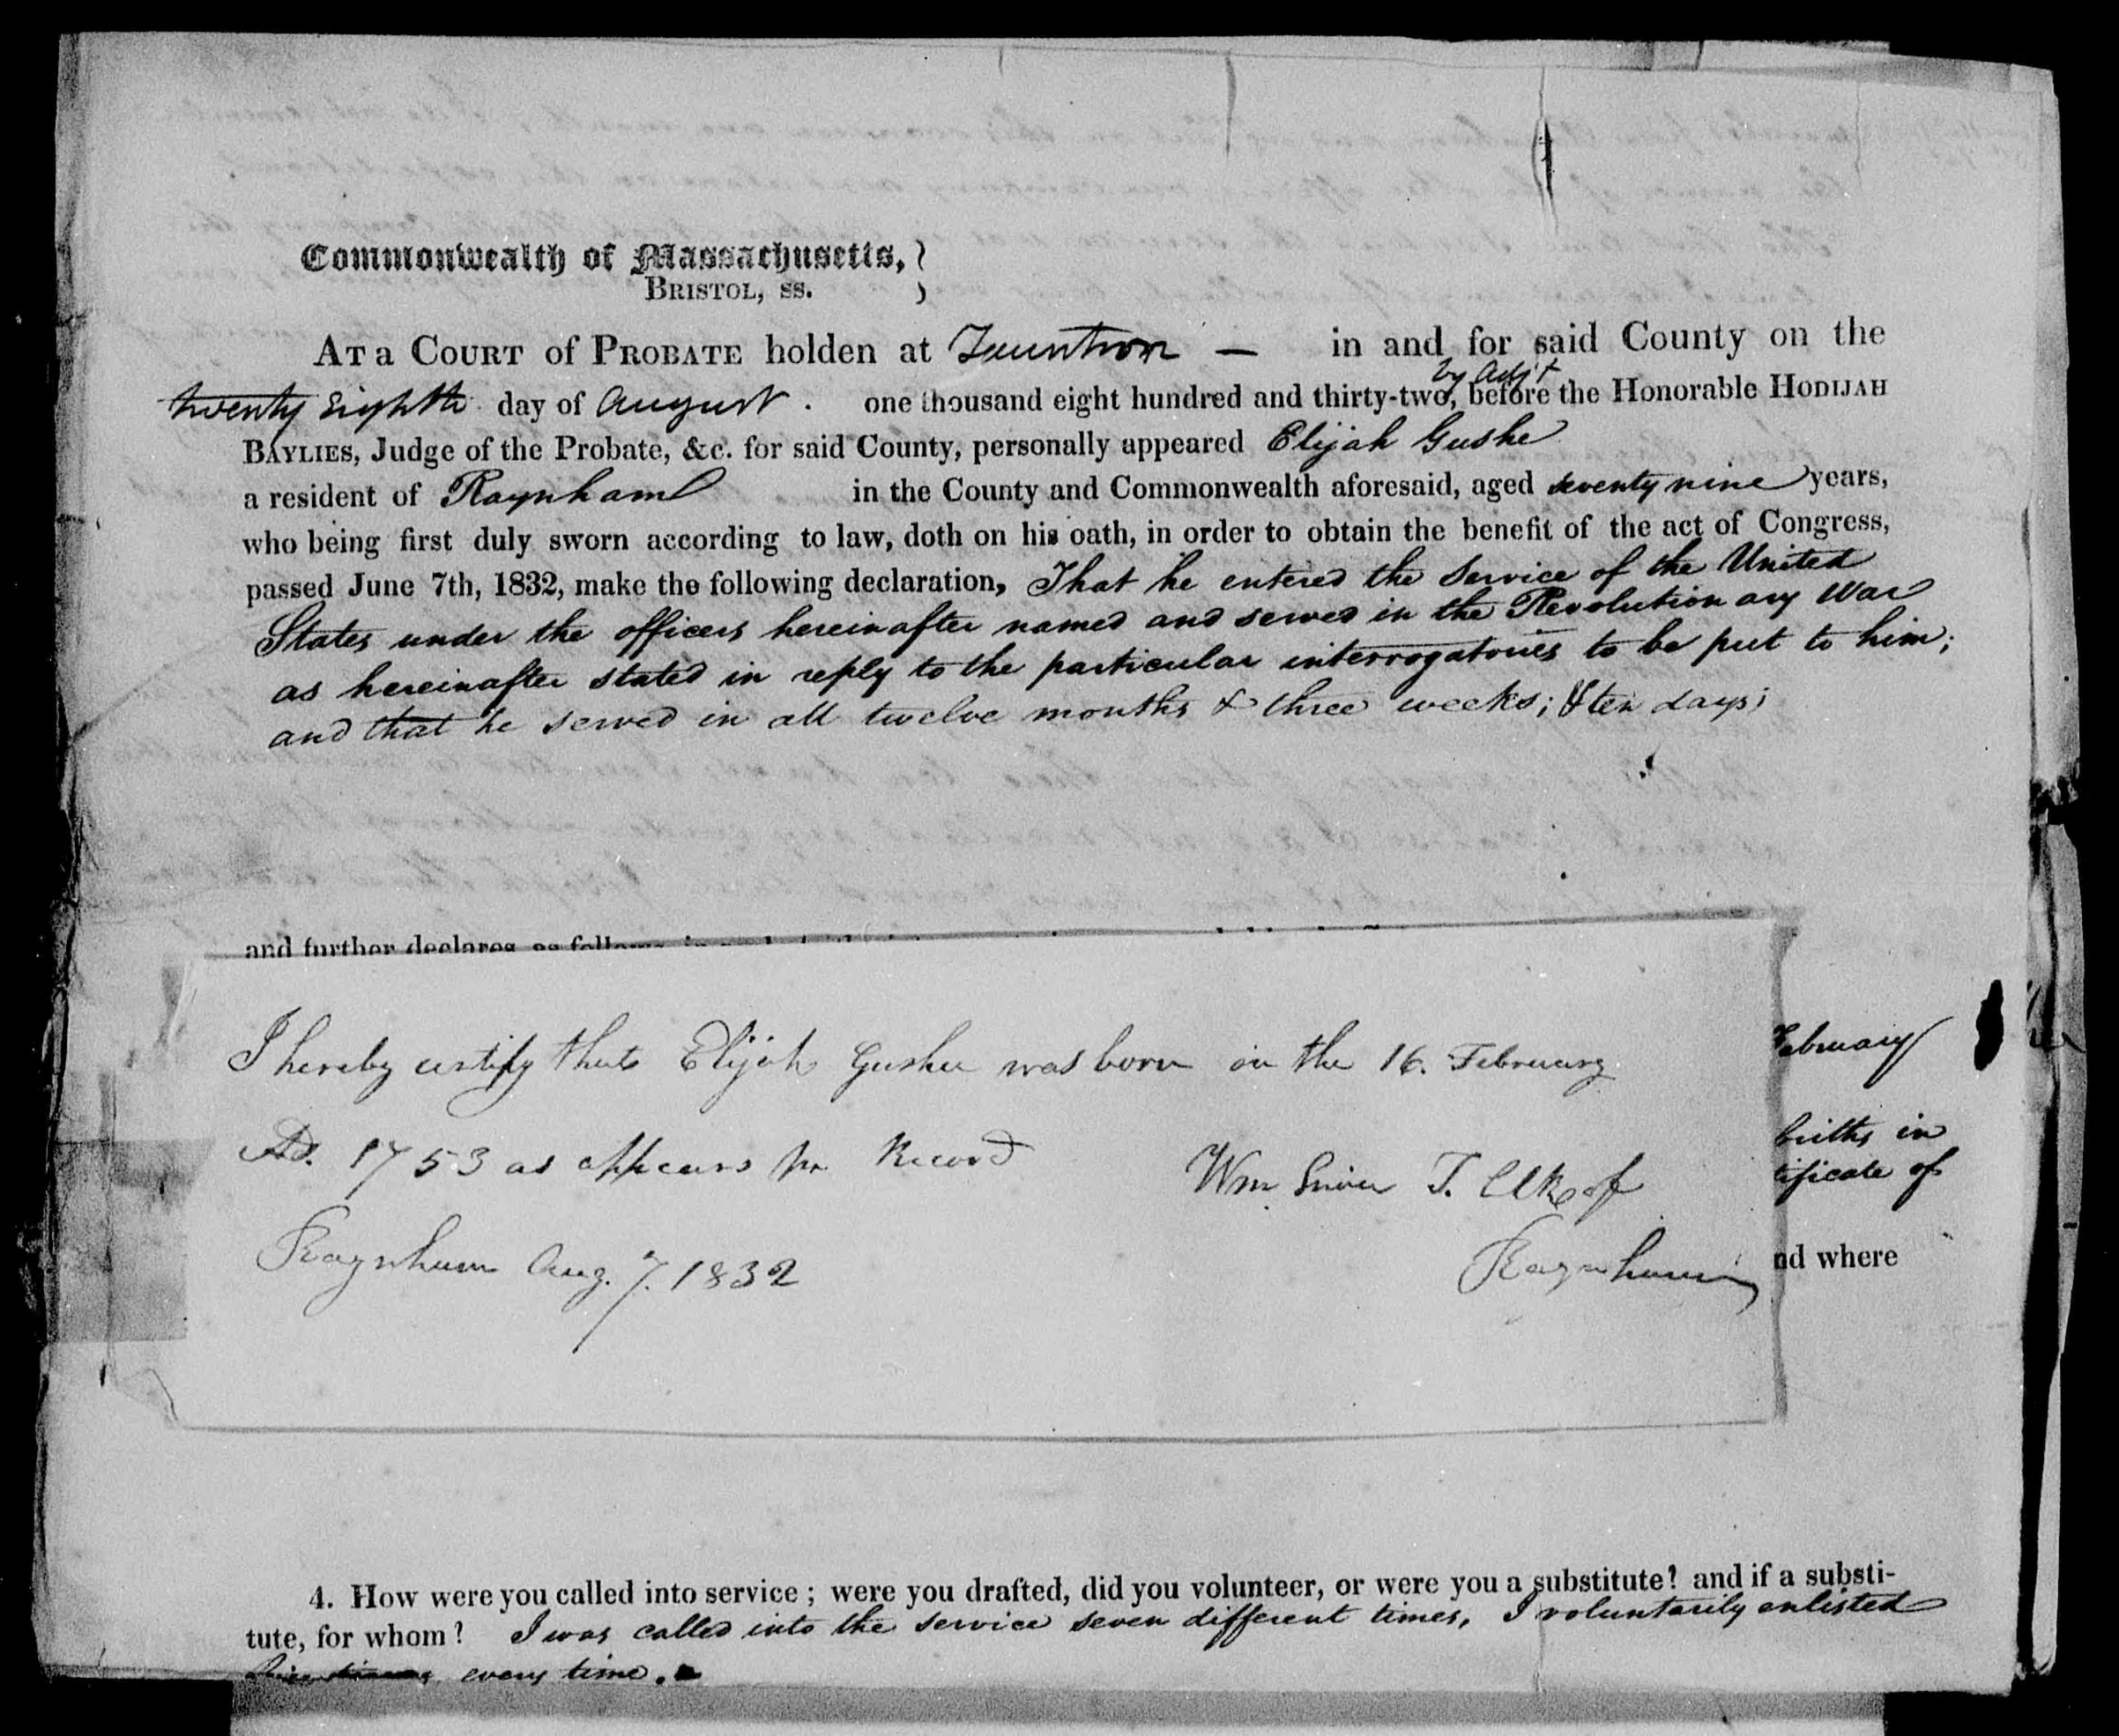Commonwealth of Massachusetts
BRISTOL, SS.

AT a COURT of PROBATE holden at Taunton  --
in and for said County on the twenty Eighth day of August one thousand eight hundred and thirty two by Adj't,  before the Honorable HODIJAH BAYLIES, Judge of the Probate, &c. for said County, personally appeared Elijah Gushe a resident of Raynham in the County and Commonwealth aforesaid, aged seventy nine years, who being first duly sworn according to law, doth on his oath, in order to obtain the benefit of the act of Congress,
passed June 7th, 1832, make the following declaration,  That he entered the service of the United States under the officers hereinafter named and served in the Revolutionary War
as hereinafter states in reply to the particular interrogatories to be put to him; and that he served in all twelve months & three weeks; & ten days;

I hereby certify that Elijah Gushee was born on the 16 February AD. 1753 as appears per Record

Signature of 
Wm Snow T. Clk of Raynham Aug 7. 1832
[illegible]

4. How were you called into service; were you drafted, did you volunteer, or were you a substitute? and if a substitute, for whom? I was called into the service seven different times, I voluntarily enlisted every time.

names: Hodijah Baylies, Wm Snow, Elijah Gushe, Elijah Gushee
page: 5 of 36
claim: widow's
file: W. 8838, Elijah Gushee, Mass.